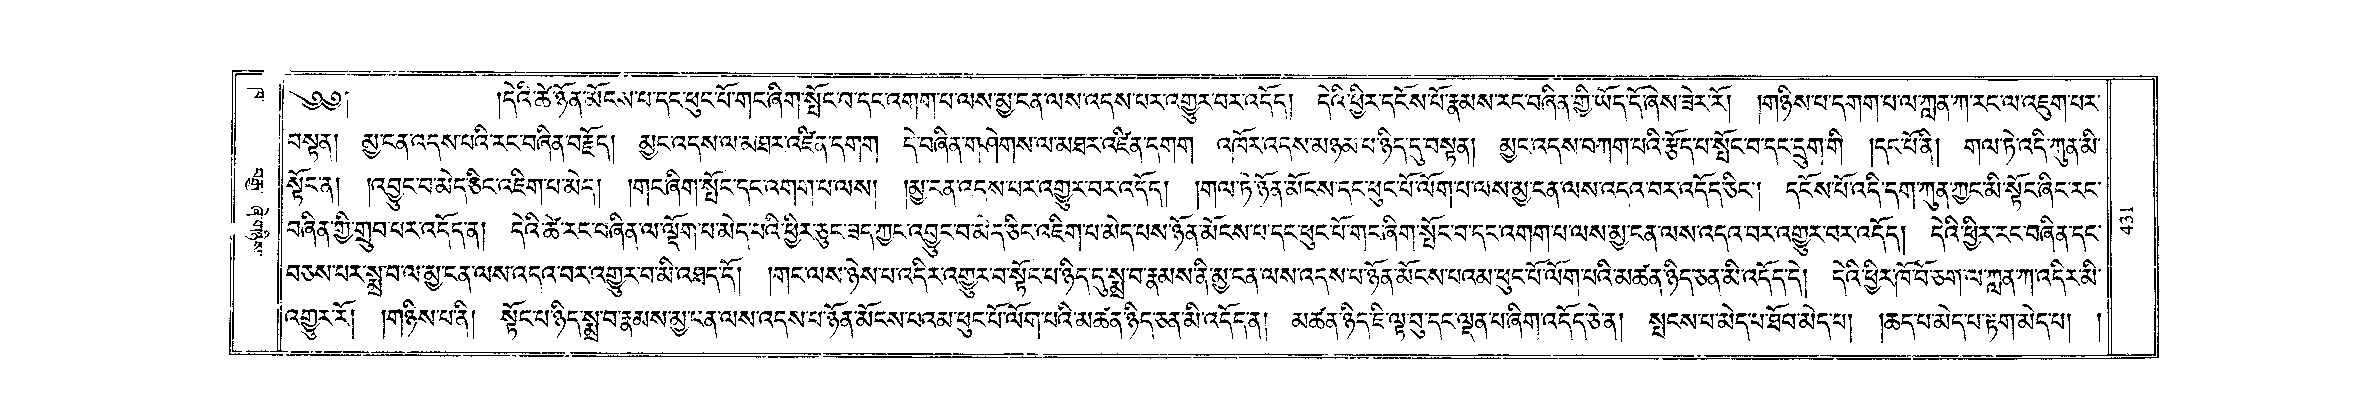༄༅། །དེའི་ཚེ་ཉོན་མོངས་པ་དང་ཕུང་པོ་གང་ཞིག་སྤོང་བ་དང་འགག་པ་ལས་མྱ་ངན་ལས་འདས་པར་འགྱུར་བར་འདོད། དེའི་ཕྱིར་དངོས་པོ་རྣམས་རང་བཞིན་གྱི་ཡོད་དོ་ཞེས་ཟེར་རོ། །གཉིས་པ་དགག་པ་ལ་ཀླན་ཀ་རང་ལ་འཇུག་པར་
བསྟན། མྱ་ངན་འདས་པའི་རང་བཞིན་བརྗོད། མྱང་འདས་ལ་མཐར་འཛིན་དགག་དེ་བཞིན་གཤེགས་ལ་མཐར་འཛིན་དགག་འཁོར་འདས་མཉམ་པ་ཉིད་དུ་བསྟན། མྱང་འདས་བཀག་པའི་རྩོད་པ་སྤོང་བ་དང་དྲུག་གི །དང་པོ་ནི། གལ་ཏེ་འདི་ཀུན་མི་
སྟོང་ན། །འབྱུང་བ་མེད་ཅིང་འཇིག་པ་མེད། །གང་ཞིག་སྤོང་དང་འགག་པ་ལས། །མྱ་ངན་འདས་པར་འགྱུར་བར་འདོད། །གལ་ཏེ་ཉོན་མོངས་དང་ཕུང་པོ་ལོག་པ་ལས་མྱ་ངན་ལས་འདའ་བར་འདོད་ཅིང་། དངོས་པོ་འདི་དག་ཀུན་ཀྱང་མི་སྟོང་ཞིང་རང་
བཞིན་གྱི་གྲུབ་པར་འདོད་ན། དེའི་ཚེ་རང་བཞིན་ལ་ལྡོག་པ་མེད་པའི་ཕྱིར་ཅུང་ཟད་ཀྱང་འབྱུང་བ་མེད་ཅིང་འཇིག་པ་མེད་པས་ཉོན་མོངས་པ་དང་ཕུང་པོ་གང་ཞིག་སྤོང་བ་དང་འགག་པ་ལས་མྱ་ངན་ལས་འདའ་བར་འགྱུར་བར་འདོད། དེའི་ཕྱིར་རང་བཞིན་དང་
བཅས་པར་སྨྲ་བ་ལ་མྱ་ངན་ལས་འདའ་བར་འགྱུར་བ་མི་འཐད་དོ། །གང་ལས་ཉེས་པ་འདིར་འགྱུར་བ་སྟོང་པ་ཉིད་དུ་སྨྲ་བ་རྣམས་ནི་མྱ་ངན་ལས་འདས་པ་ཉོན་མོངས་པའམ་ཕུང་པོ་ལོག་པའི་མཚན་ཉིད་ཅན་མི་འདོད་དེ། དེའི་ཕྱིར་ཁོ་བོ་ཅག་ལ་ཀླན་ཀ་འདིར་མི་
འགྱུར་རོ། །གཉིས་པ་ནི། སྟོང་པ་ཉིད་སྨྲ་བ་རྣམས་མྱ་ངན་ལས་འདས་པ་ཉོན་མོངས་པའམ་ཕུང་པོ་ལོག་པའི་མཚན་ཉིད་ཅན་མི་འདོད་ན། མཚན་ཉིད་ཇི་ལྟ་བུ་དང་ལྡན་པ་ཞིག་འདོད་ཅེ་ན། སྤངས་པ་མེད་པ་ཐོབ་མེད་པ། །ཆད་པ་མེད་པ་རྟག་མེད་པ། །